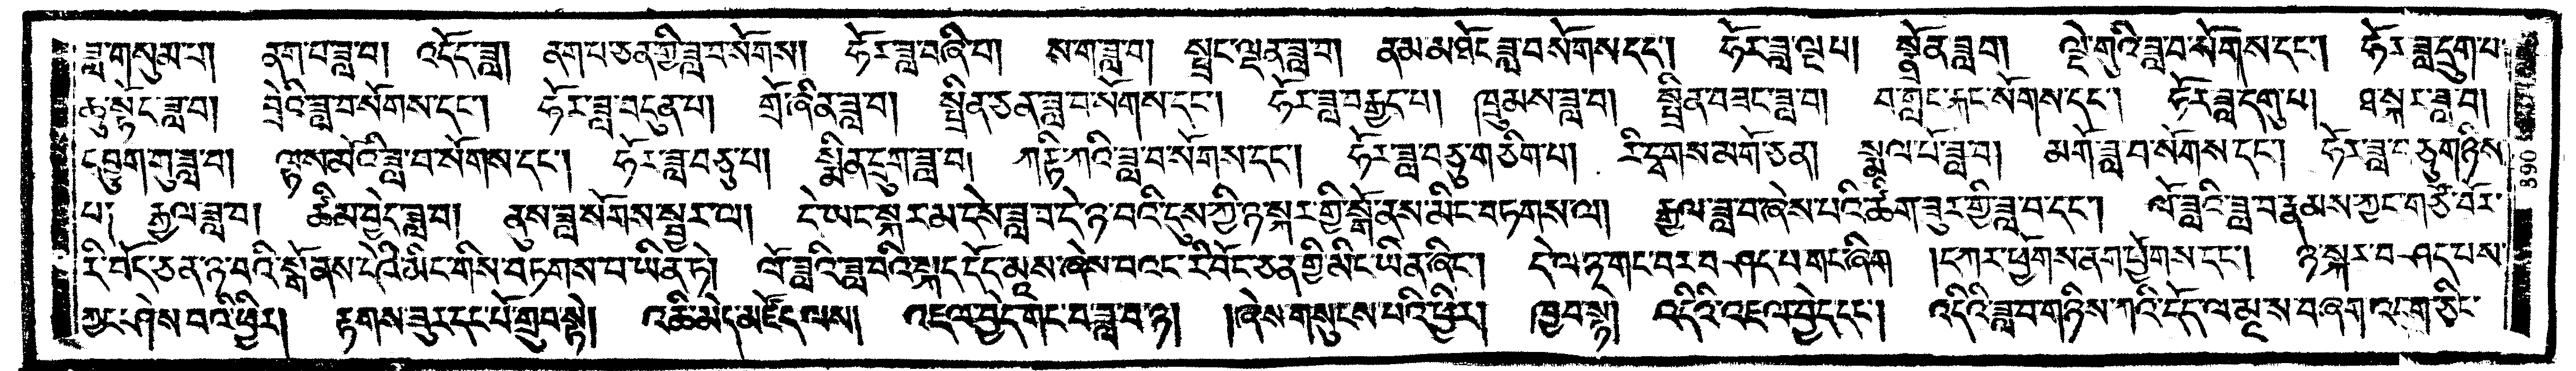ཟླ་གསུམ་པ། ནག་པ་ཟླ་བ། འདོད་ཟླ། ནག་པ་ཅན་གྱི་ཟླ་བ་སོགས། ཧོར་ཟླ་བཞི་པ། ས་ག་ཟླ་བ། སྥྲང་ལྡན་ཟླ་བ། ནམ་མཐོང་ཟླ་བ་སོགས་དང་། ཧོར་ཟླ་ལྔ་པ། སྣྲོན་ཟླ་བ། ལྡེ་གུའི་ཟླ་བ་སོགས་དང་། ཧོར་ཟླ་དྲུག་པ་
ཆུ་སྟོང་ཟླ་བ། བྲེའི་ཟླ་བ་སོགས་དང་། ཧོར་ཟླ་བདུན་པ། གྲོ་ཞིན་ཟླ་བ། སྤྲིན་ཅན་ཟླ་བ་སོགས་དང་། ཧོར་ཟླ་བརྒྱད་པ། ཁྲུམས་ཟླ་བ། སྤྲིན་བཟང་ཟླ་བ། བ་གླང་རྐང་སོགས་དང་། ཧོར་ཟླ་དགུ་པ། ཐ་སྐར་ཟླ་བ།
དབྱུག་གུ་ཟླ་བ། ལྟས་མོའི་ཟླ་བ་སོགས་དང་། ཧོར་ཟླ་བཅུ་པ། སྨིན་དྲུ་ཟླ་བ། ཀ་རྟི་ཀའི་ཟླ་བ་སོགས་དང་། ཧོར་ཟླ་བཅུ་གཅིག་པ། རི་དྭགས་མགོ་ཅན། སྨལ་པོ་ཟླ་བ། མགོ་ཟླ་བ་སོགས་དང་། ཧོར་ཟླ་བཅུ་གཉིས་
པ། རྒྱལ་ཟླ་བ། ཚིམ་བྱེད་ཟླ་བ། ནུས་ཟླ་སོགས་སྦྱར་ལ། དེ་ཡང་སྐར་མ་དེས་ཟླ་བ་དེ་ཉ་བའི་དུས་ཀྱི་ཉ་སྐར་གྱི་སྒོ་ནས་མིང་བཏགས་ལ། རྒྱལ་ཟླ་བ་ཞེས་པའི་ཚིག་ཟུར་གྱི་ཟླ་བ་དང་། ལོ་ཟླའི་ཟླ་བ་རྣམས་ཀྱང་གཙོ་བོར་
རི་བོད་ཅན་ཉ་བའི་སྒོ་ནས་དེའི་མིང་གིས་བཏགས་པ་ཡིན་ཏེ། ལོ་ཟླའི་ཟླ་བའི་སྐད་དོད་མཱས་ཞེས་པའང་རི་བོང་ཅན་གྱི་མིང་ཡིན་ཞིང་། དེ་ལ་ཉ་གང་བར་བཤད་པ་གང་ཞིག །དཀར་ཕྱོགས་ནག་ཕྱོགས་དང་། ཉ་སྐར་བཤད་པས་
ཀྱང་ཤེས་པའི་ཕྱིར། རྟགས་ཟུར་དང་པོ་གྲུབ་སྟེ། འཆི་མེད་མཛོད་ལས། འཇལ་བྱེད་གང་བ་ཟླ་བ་ཉ། །ཞེས་གསུངས་པའི་ཕྱིར། ཁྱབ་སྟེ། འདིའི་འཇལ་བྱེད་དང་། འདིའི་ཟླ་བ་གཉིས་ཀའི་དོད་ལ་མཱ་ས་བཞག་འདུག?་ཅིན་